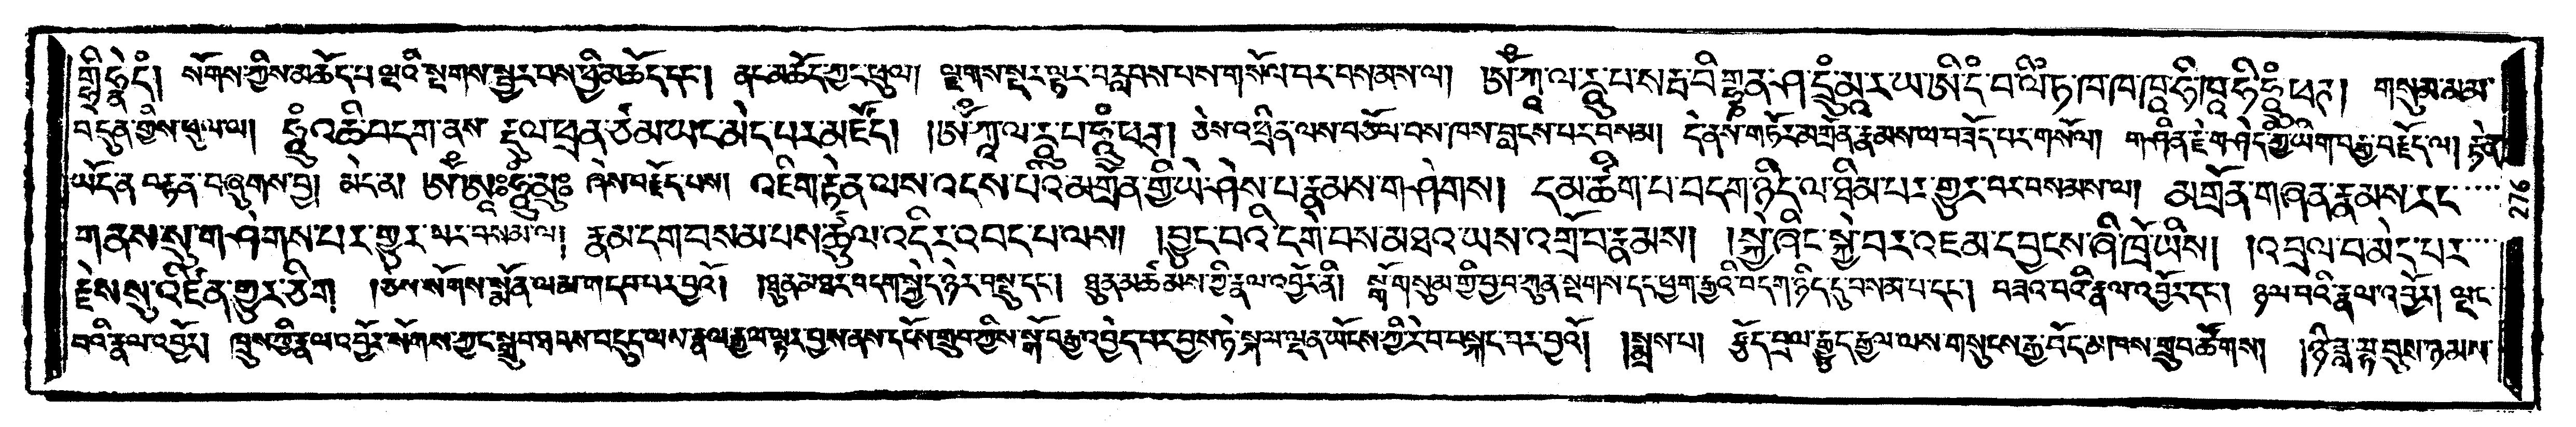གྷྲིཧྣེ་དཾ། སོགས་ཀྱིས་མཆོད་པ་ལྔའི་སྔགས་སྦྱར་བས་ཕྱི་མཆོད་དང་། ནང་མཆོད་ཀྱང་ཕུལ། ལྗགས་སྔར་ལྟར་བརླབས་པས་གསོལ་བར་བསམས་ལ། ཨོཾ་ཀཱ་ལ་རཱུ་པ་སརྦ་བིགྷྞན་ཤ་དྲུཾ་མཱ་ར་ཡ་ཨི་དཾ་བ་ལིཾ་ཏ་ཁ་ཁ་ཁཱ་ཧི་ཁཱ་ཧི་ཧཱུཾ་ཕཊ། གསུམ་མམ་
བདུན་གྱིས་ཕུལ་ལ། ཧཱུཾ་འཆི་བདག་ནས་རྡུལ་ཕྲན་ཙམ་ཡང་མེད་པར་མཛོད། །ཨོཾ་ཀཱ་ལ་རཱུ་པ་ཧཱུཾ་ཕཊ། ཅེས་འཕྲིན་ལས་བཅོལ་བས་ཁས་བླངས་པར་བསམ། དེ་ནས་གཏོར་མགྲོན་རྣམས་ལ་བཟོད་པར་གསོལ། གཤིན་རྗེ་གཤེད་ཀྱི་ཡིག་བརྒྱ་བརྗོད་ལ། རྟེན་
ཡོད་ན་བརྟན་བཞུགས་བྱ། མེད་ན། ཨོཾ་ཨཱཿཧཱུཾ་མུཿ ཞེས་བརྗོད་པས། འཇིག་རྟེན་ལས་འདས་པའི་མགྲོན་གྱི་ཡེ་ཤེས་པ་རྣམས་གཤེགས། དམ་ཚིག་པ་བདག་ཉིད་ལ་ཐིམ་པར་གྱུར་བར་བསམས་ལ། མགྲོན་གཞན་རྣམས་རང་
གནས་སུ་གཤེགས་པར་གྱུར་པར་བསམ་ལ། རྣམ་དག་བསམ་པས་ཚུལ་འདིར་འབད་པ་ལས། །བྱུང་བའི་དགེ་བས་མཐའ་ཡས་འགྲོ་བ་རྣམས། །སྐྱེ་ཞིང་སྐྱེ་བར་འཇམ་དབྱངས་ཞི་ཁྲོ་ཡིས། །འབྲལ་བ་མེད་པར་
རྗེས་སུ་འཛིན་གྱུར་ཅིག །ཅེས་སོགས་སྨོན་ལམ་གདབ་པར་བྱའོ། །ཐུན་མཐར་བདག་སྐྱེད་ཉེར་བསྡུ་དང་། ཐུན་མཚམས་ཀྱི་རྣལ་འབྱོར་ནི། སྒོ་གསུམ་གྱི་བྱ་བ་ཀུན་སྔགས་དང་ཕྱག་རྒྱའི་བདག་ཉིད་དུ་བསམ་པ་དང་། བཟའ་བའི་རྣལ་འབྱོར་དང་། ཉལ་བའི་རྣལ་འབྱོར། ལྡང་
བའི་རྣལ་འབྱོར། ཁྲུས་ཀྱི་རྣལ་འབྱོར་སོགས་ཀྱང་སྒྲུབ་ཐབས་བདུད་ལས་རྣལ་རྒྱལ་ལྟར་བྱས་ནས་དངོས་གྲུབ་ཀྱིས་སྒོ་བརྒྱ་འབྱེད་པར་བྱས་ཏེ་སྐལ་ལྡན་ཡོངས་ཀྱི་རེ་བ་བསྐང་བར་བྱའོ། །སྨྲས་པ། རྩོད་བྲལ་རྒྱུད་རྒྱལ་ལས་གསུངས་རྒྱ་བོད་མཁས་གྲུབ་ཚོགས། །ཉི་ཟླ་ལྟ་བུས་ཉམས་